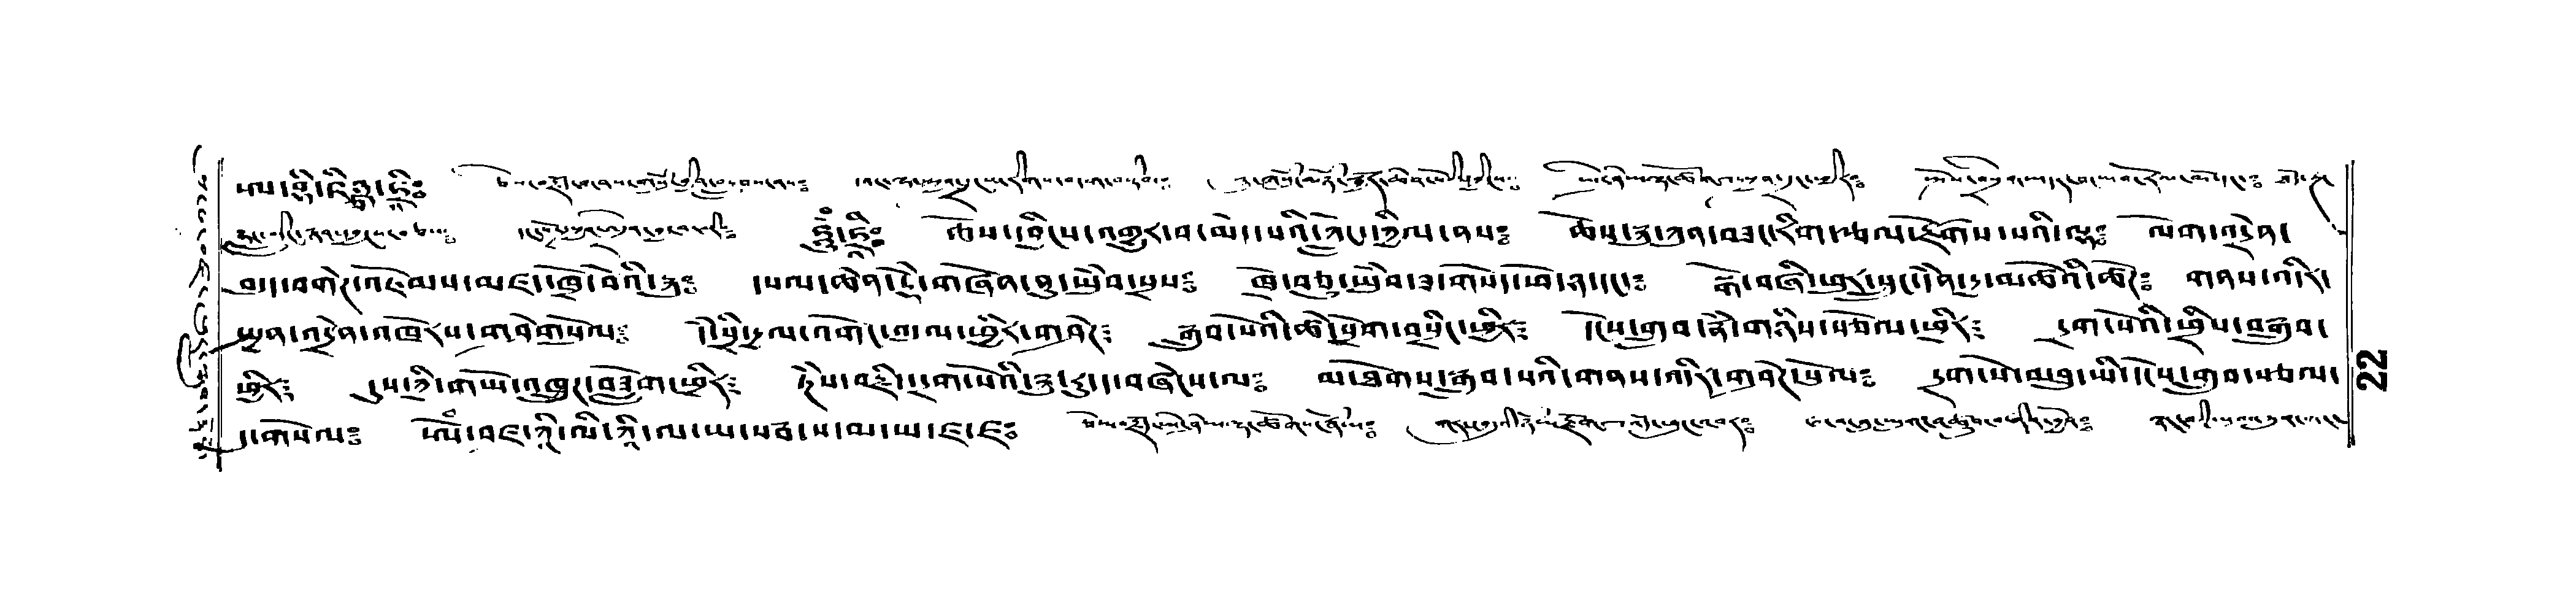ཨ་བྷི་རིཉྩ་ཧྲཱིཿ ཅེས་བརྗོད་གནས་གསུམ་བྱིན་བརླབས་ནས༔ དབང་ལྷ་སྤྱན་དྲངས་རིགས་བདག་བསྟིམ༔ སྐུ་གསུམ་མཉམ་སྦྱོར་ཆེན་པོའི་དབྱིངས༔ ཡེ་ཤེས་ལྷ་ཚོགས་སྤྱན་དྲང་ཕྱིར༔ སྤོས་བསྲེག་དར་ག་ཡབ་རོལ་མོ་དང༔ ཐོད་རྔ་
རྐང་གླིང་སྙན་དབྱངས་བཅས༔ དང་པོ་སྤྱན་འདྲེན་བྱ་བ་ནི༔ ཧཱུྃ་ཧྲཱིཿ ཆོས་དབྱིངས་འགྱུར་བ་མེད་པའི་ཀློང་དཀྱིལ་ནས༔ ཆོས་སྐུ་ཀུན་བཟང་རིག་རྩལ་རྫོགས་པའི་ལྷ༔ ལོག་འདྲེན་
བདུད་བགེགས་འཇོམས་མཛད་ཁྲོ་བོའི་སྐུ༔ དཔལ་ཆེན་རྡོ་རྗེ་གཞོན་ནུ་ཡབ་ཡུམ་སྲས༔ ཁྲོ་བཅུ་ཡབ་ཡུམ་ཟ་གསོད་ཕོ་ཉ་དང༔ སྒོ་བཞི་ཕུར་སྲུང་དམ་ཅན་རྒྱ་མཚོའི་ཚོགས༔ གནས་འདིར་
སྤྱན་འདྲེན་འཁོར་བཅས་གཤེགས་སུ་སོལ༔ དམ་སྲི་རྒྱལ་འགོང་འདུལ་ཕྱིར་གཤེགས་སུ་གསོལ༔ སྒྲུབ་པོའི་ཚེ་སྲོག་བསྲིང་ཕྱིར༴ དངོས་གྲུབ་རྣམ་གཉིས་སྩོལ་ཕྱིར༴ དྲག་པོའི་ཕྲིན་ལས་བསྒྲུབ་
ཕྱིར༴ དུས་ཀྱི་གཡོ་འཁྲུགས་བཟློག་ཕྱིར༴རྔམས་བརྗིད་དྲག་པོའི་སྐུ་རུ་ད་བཞེངས་ལ༔ མ་ཐོགས་སྒྲུབ་པའི་གནས་འདིར་གཤེགས་སུ་གསོལ༔ དྲག་པོ་མཐུ་ཡི་དངོས་གྲུབ་བསྩལ་
དུ་གསོལ༔ ཨོཾ་བཛྲ་ཀཱི་ལི་ཀཱི་ལ་ཡ་སརྦ་ས་མ་ཡ་ཛ་ཛཿ ཅེས་བརྗོད་ཡེ་ཤེས་ལྷ་ཚོགས་རྣམས༔ གར་དགུའི་ཉམས་རྫོགས་འོད་ཕུང་འབར༔ ཁ་བ་བུ་ཡུག་འཚུབས་བཞིན་བྱོན༔ སྣང་བའི་ཡུལ་ཀུན་གང་